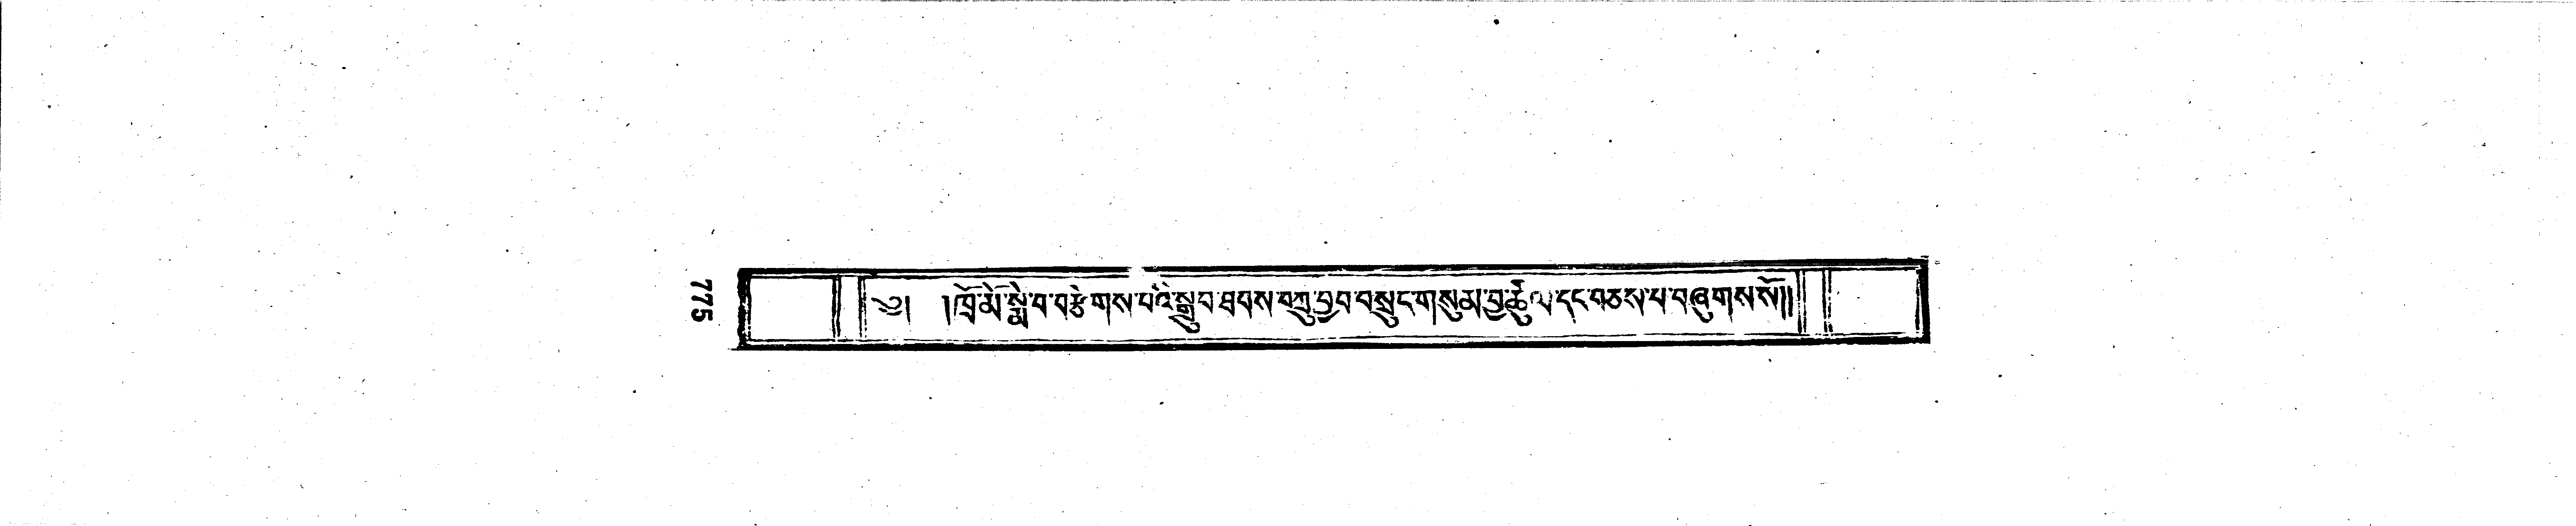༄༅། །ཁྲོ་མོ་སྨེ་བ་བརྩེགས་པའི་སྒྲུབ་ཐབས་བཀྲུ་བྱ་བ་བསྲུང་གསུམ་བྱ་ཚུལ་དང་བཅས་པ་བཞུགས་སོ།།